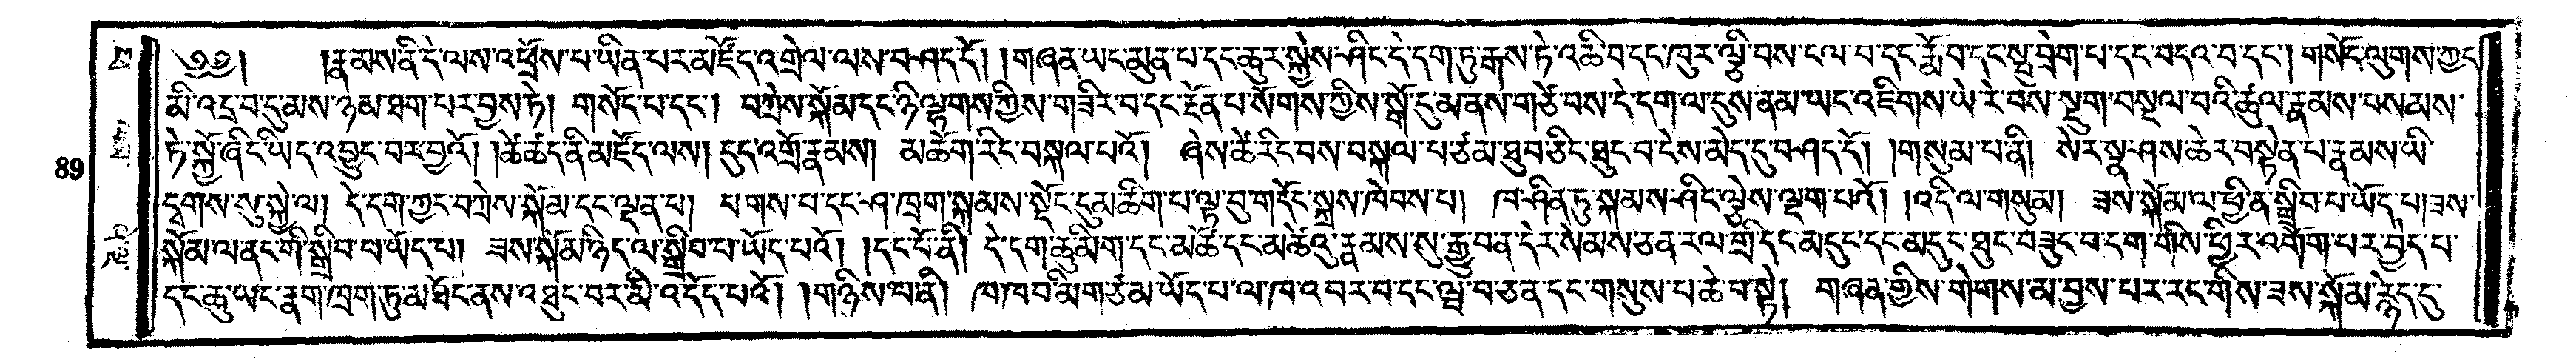༄༅། །རྣམས་ནི་དེ་ལས་འཕྲོས་པ་ཡིན་པར་མཛོད་འགྲེལ་ལས་བཤད་དོ། །གཞན་ཡང་མུན་པ་དང་ཆུར་སྐྱེས་ཤིང་དེ་དག་ཏུ་རྒས་ཏེ་འཆི་བ་དང་ཁུར་ལྕི་བས་ངལ་བ་དང་རྨོ་བ་དང་སྤུ་བྲེག་པ་དང་བདའ་བ་དང་། གསོང་ལུགས་ཀྱང་
མི་འདྲ་བ་དུ་མས་ཉམ་ཐག་པར་བྱས་ཏེ། གསོད་པ་དང་། བཀྲེས་སྐོམ་དང་ཉི་ལྷགས་ཀྱིས་གཟིར་བ་དང་རྔོན་པ་སོགས་ཀྱིས་སྒོ་དུ་མ་ནས་གཙེ་བས་དེ་དག་ལ་དུས་ནམ་ཡང་འཇིགས་ཡེ་རེ་བས་སྡུག་བསྔལ་བའི་ཚུལ་རྣམས་བསམས་
ཏེ་སྐྱོ་ཞིང་ཡིད་འབྱུང་བར་བྱའོ། །ཚེ་ཚད་ནི་མཛོད་ལས། དུད་འགྲོ་རྣམས། མཆོག་རིང་བསྐལ་པའོ། ཞེས་ཚེ་རིང་བས་བསྐལ་པ་ཙམ་ཐུབ་ཅིང་ཐུང་བ་ངེས་མེད་དུ་བཤད་དོ། །གསུམ་པ་ནི། སེར་སྣ་ཤས་ཆེར་བསྟེན་པ་རྣམས་ཡི་
དྭགས་སུ་སྐྱེ་ལ། དེ་དག་ཀྱང་བཀྲེས་སྐོམ་དང་ལྡན་པ། པགས་པ་དང་ཤ་ཁྲག་སྐམས་སྡོང་དུམ་ཚིག་པ་ལྟ་བུ་གདོང་སྐྲས་ཁེབས་པ། ཁ་ཤིན་ཏུ་སྐམས་ཤིང་ལྕེས་ལྡག་པའོ། །འདི་ལ་གསུམ། ཟས་སྐོམ་ལ་ཕྱིན་སྒྲིབ་པ་ཡོད་པ། ཟས་
སྐོམ་ལ་ནང་གི་སྒྲིབ་པ་ཡོད་པ། ཟས་སྐོམ་ཉིད་ལ་སྒྲིབ་པ་ཡོད་པའོ། །དང་པོ་ནི། དེ་དག་ཆུ་མིག་དང་མཚོ་དང་མཚེའུ་རྣམས་སུ་རྒྱུ་བ་ན་དེར་སེམས་ཅན་རལ་གྲི་དང་མདུང་དང་མདུང་ཐུང་བཟུང་བ་དག་གིས་ཕྱིར་འགོག་པར་བྱེད་པ་
དང་ཆུ་ཡང་རྣག་ཁྲག་ཏུ་མཐོང་ནས་འཐུང་བར་མི་འདོད་པའོ། །གཉིས་པ་ནི། ཁ་ཁབ་མིག་ཙམ་ཡོད་པ་ལ་ཁ་འབར་བ་དང་ཝ་བ་ཅན་དང་གསུས་པ་ཆེ་བ་སྟེ། གཞན་གྱིས་གེགས་མ་བྱས་པར་རང་གིས་ཟས་སྐོམ་རྙེད་དུ་